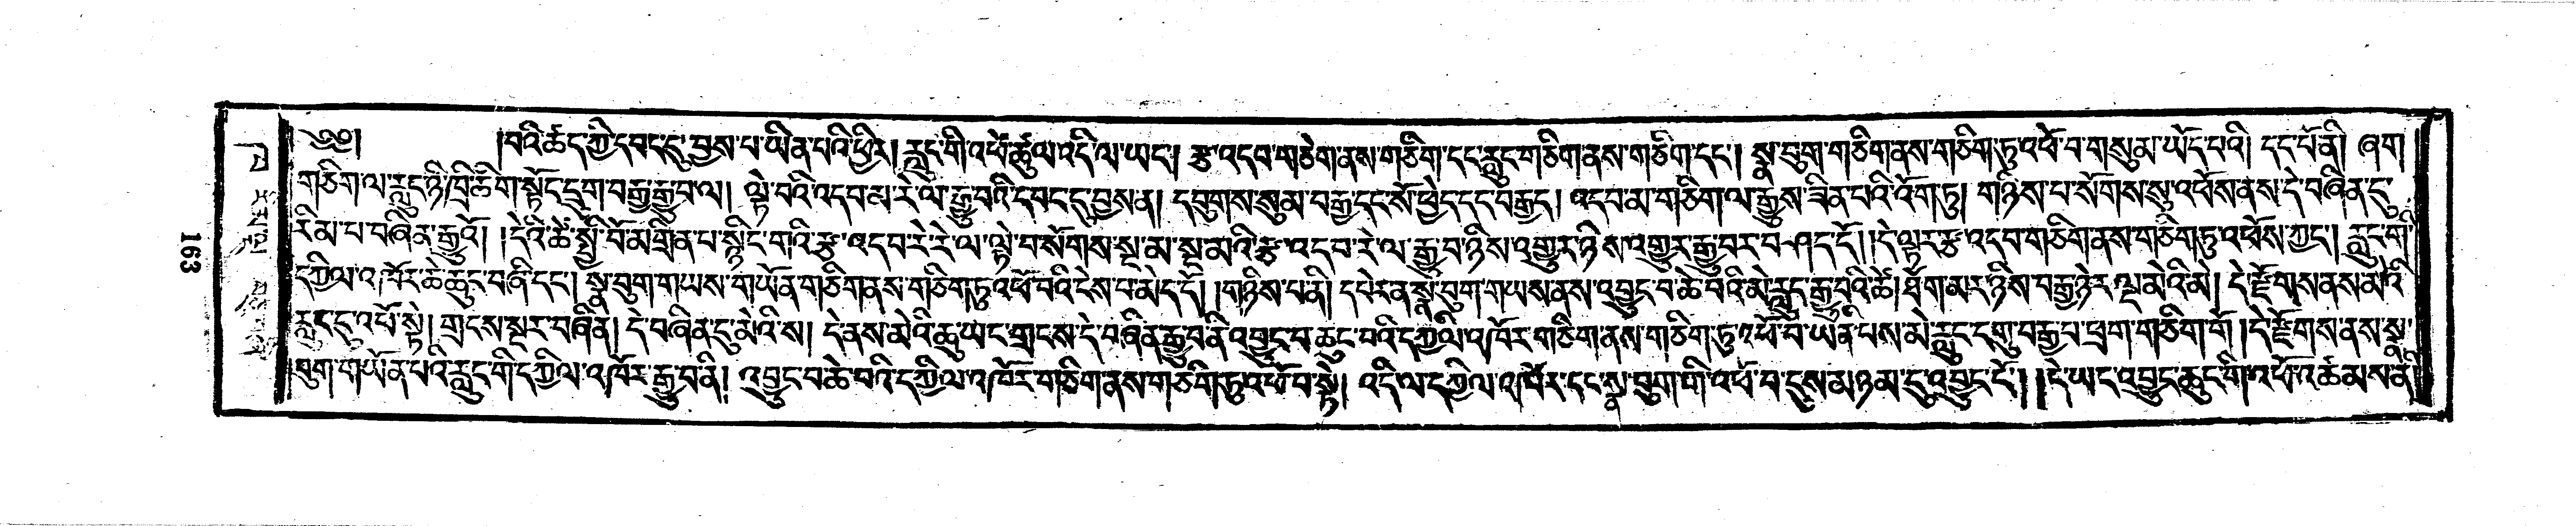༄༅། །བའི་ཚད་ཀྱི་དབང་དུ་བྱས་པ་ཡིན་པའི་ཕྱིར། རླུང་གི་འཕོ་ཚུལ་འདི་ལ་ཡང་། རྩ་འདབ་གཅིག་ནས་གཅིག་དང་རླུང་གཅིག་ནས་གཅིག་དང་། སྣ་བུག་གཅིག་ནས་གཅིག་ཏུ་འཕོ་བ་གསུམ་ཡོད་པའི། དང་པོ་ནི། ཞག་
གཅིག་ལ་རླུང་ཉི་ཁྲི་ཆིག་སྟོང་དྲུག་བརྒྱ་རྒྱུ་བ་ལ། ལྟེ་བའི་འདབ་མ་རེ་ལ་རྒྱུ་བའི་དབང་དུ་བྱས་ན། དབུགས་སུམ་བརྒྱ་དང་སོ་ཕྱེད་དང་བརྒྱད། འདབ་མ་གཅིག་ལ་རྒྱུས་ཟིན་པའི་འོག་ཏུ། གཉིས་པ་སོགས་སུ་འཕོས་ནས་དེ་བཞིན་དུ་
རིམ་པ་བཞིན་རྒྱུའོ། །དེའི་ཚེ་སྤྱི་བོ་མགྲིན་པ་སྙིང་གའི་རྩ་འདབ་རེ་རེ་ལ་ལྟེ་བ་སོགས་སྔ་མ་སྔ་མའི་རྩ་འདབ་རེ་ལ་རྒྱུ་བ་ཉིས་འགྱུར་ཉིས་འགྱུར་རྒྱུ་བར་བཤད་དོ། །དེ་ལྟར་རྩ་འདབ་གཅིག་ནས་གཅིག་ཏུ་འཕོས་ཀྱང་། རླུང་གི་
དཀྱིལ་འཁོར་ཆེ་ཆུང་བཞི་དང་། སྣ་བུག་གཡས་གཡོན་གཅིག་ནས་གཅིག་ཏུ་འཕོ་བའི་ངེས་པ་མེད་དོ། །གཉིས་པ་ནི། དཔེར་ན་སྣ་བུག་གཡས་ནས་འབྱུང་བ་ཆེ་བའི་མེ་རླུང་རྒྱུ་བའི་ཚེ། ཐོག་མར་ཉིས་བརྒྱ་ཉེར་ལྔ་མེའི་མེ། དེ་རྫོགས་ནས་མེའི་
རླུང་དུ་འཕོ་སྟེ། གྲངས་སྔར་བཞིན། དེ་བཞིན་དུ་མེའི་ས། དེ་ནས་མེའི་ཆུ་ཡང་གྲངས་དེ་བཞིན་རྒྱུ་བ་ནི་འབྱུང་བ་ཆུང་བའི་དཀྱིལ་འཁོར་གཅིག་ནས་གཅིག་ཏུ་འཕོ་བ་ཡིན་པས་མེ་རླུང་དགུ་བརྒྱ་པ་ཕྲག་གཅིག་གོ །དེ་རྫོགས་ནས་སྣ་
བུག་གཡོན་པའི་རླུང་གི་དཀྱིལ་འཁོར་རྒྱུ་བ་ནི། འབྱུང་བ་ཆེ་བའི་དཀྱིལ་འཁོར་གཅིག་ནས་གཅིག་ཏུ་འཕོ་བ་སྟེ། འདི་ལ་དཀྱིལ་འཁོར་དང་སྣ་བུག་གི་འཕོ་བ་དུས་མཉམ་དུ་འབྱུང་ངོ། །དེ་ཡང་འབྱུང་ཆུང་གི་འཕོ་འཚམས་ནི་